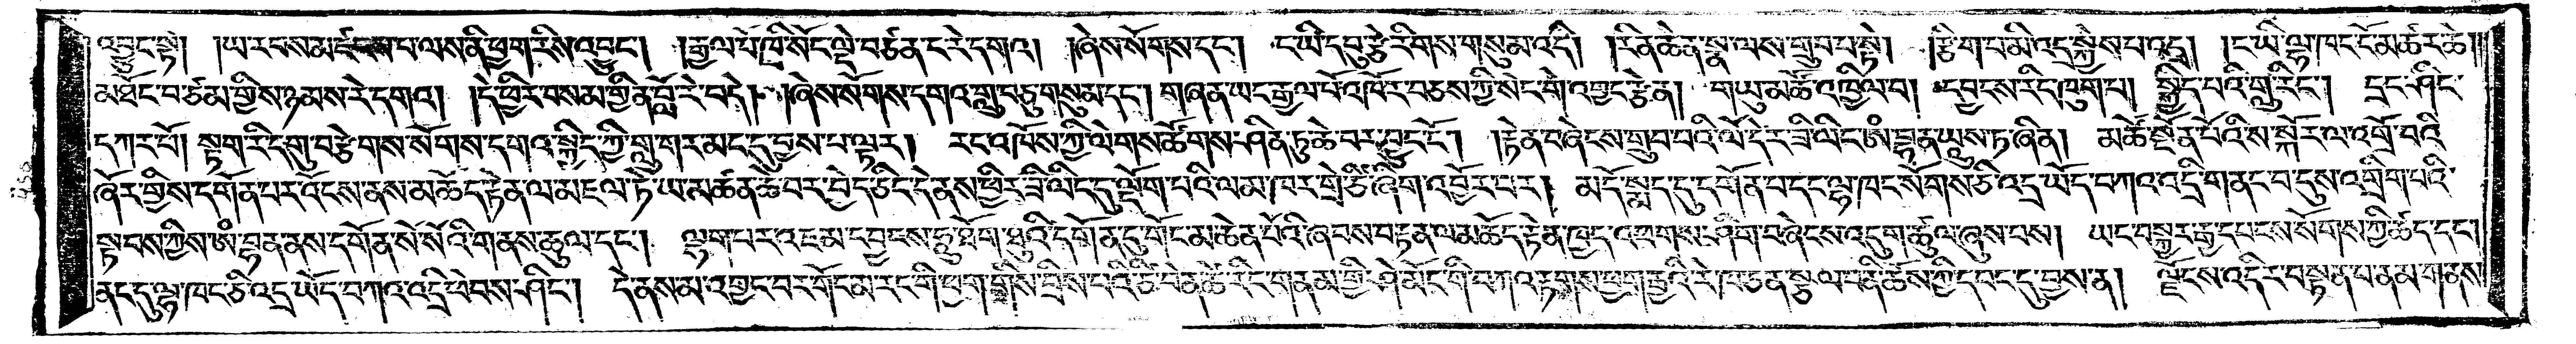འབྱུང་སྟེ། །ཡ་རབས་མཛངས་པ་ལས་ནི་ཕྱག་རིས་འབྱུང་། །རྒྱལ་པོ་ཁྲི་སོང་ལྡེ་བཙན་ང་རེ་དགའ། །ཞེས་སོགས་དང་། ང་ཡི་དབུ་རྩེ་རིགས་གསུམ་འདི། །རིན་ཆེན་སྣ་ལས་གྲུབ་པ་སྟེ། །རྩིག་པ་མི་འདྲ་སྐྱེས་པ་འདྲ། །ང་ཡི་ལྷ་ཁང་ངོ་མཚར་ཆེ།
མཐོང་བ་ཙམ་གྱིས་ཉམས་རེ་དགའ། །དེ་ཕྱིར་བསམ་གྱིན་བློ་རེ་བདེ། །ཞེས་སོགས་དགའ་གླུ་བཅུ་གསུམ་དང་། །གཞན་ཡང་རྒྱལ་པོ་འཁོར་བཅས་ཀྱི་སེང་གེ་འགྱང་རྩེན། གཡུ་མཚོ་འཁྱིལ་བ། དབྱངས་རིང་ཁུག་པ། སྐྱིད་བའི་གླུ་རིང་། དྲང་ཤིང་
དཀར་པོ། སྟག་རི་དགུ་བརྩེགས་སོགས་དགའ་སྐྱིལ་ཀྱི་གླུ་གར་མང་དུ་བྱས་པ་ལྟར། རང་འཁོས་ཀྱི་ལེགས་ཚོགས་ཤིན་ཏུ་ཆེ་བར་བྱུང་ངོ། །རྟེན་བཞེངས་གྲུབ་བའི་ལོ་དེར་ཟི་ལིང་ཨཾ་བྷན་ཡཱུས་ཏ་ཞིན། མཚོ་སྔོན་པོའི་ས་སྐོར་ལ་འགྲོ་བའི་
ཞོར་གྱིས་དགོན་བར་འོངས་ནས་མཆོད་རྟེན་ལ་མཇལ་ཏེ་ཡ་མཚན་ཆེ་བར་བྱེད་ཅིང་དེ་ནས་ཕྱིར་ཟི་ལིང་དུ་ལྡོག་པའི་ལམ་ཁར་གྲེ་ཙི་ཞིག་འབྱོར་བར། མདོ་སྨད་དུ་དགོན་བ་དང་ལྷ་ཁང་སོགས་ཅི་འདྲ་ཡོད་བཀའ་འདྲི་གནང་བ་དུས་འགྲིག་བའི་
སྟབས་ཀྱི་ཨཾ་བྷན་ནས་དགོན་སོ་སོའི་གནས་ཚུལ་དང་། ལྷག་པར་འཇམ་དབྱངས་ཧཱུ་ཐོག་ཐུའི་དགོན་དུ་གོང་མ་ཆེན་པོའི་ཞབས་བརྟན་ལ་མཆོད་རྟེན་ཁྱད་འཕགས་ཤིག་བཞེངས་འདུག་ཚུལ་ཞུས་པས། ཡང་བསྐྱར་རྒྱ་དབངས་སོགས་ཀྱི་ཚད་དང་
ནང་དུ་ལྷ་ཁང་ཅི་འདྲ་ཡོད་བཀའ་འདྲི་ཕེབས་ཤིང་། དེ་ནས་མ་འགྱང་བར་གོང་མ་རང་གི་ཕྱག་གིས་བྲིས་བའི་ཙི་བེན་ཚེ་རིང་གནམ་གྱི་ཤེ་མོང་གི་བཀའ་རྟགས་ཕྱག་རྒྱའི་རེ་ཁ་ཅན་སྩལ་པ་ནི་ཆོས་ཀྱི་དབང་དུ་བྱས་ན། ལྗོངས་འདིར་བསྟན་པ་ནམ་གནས་